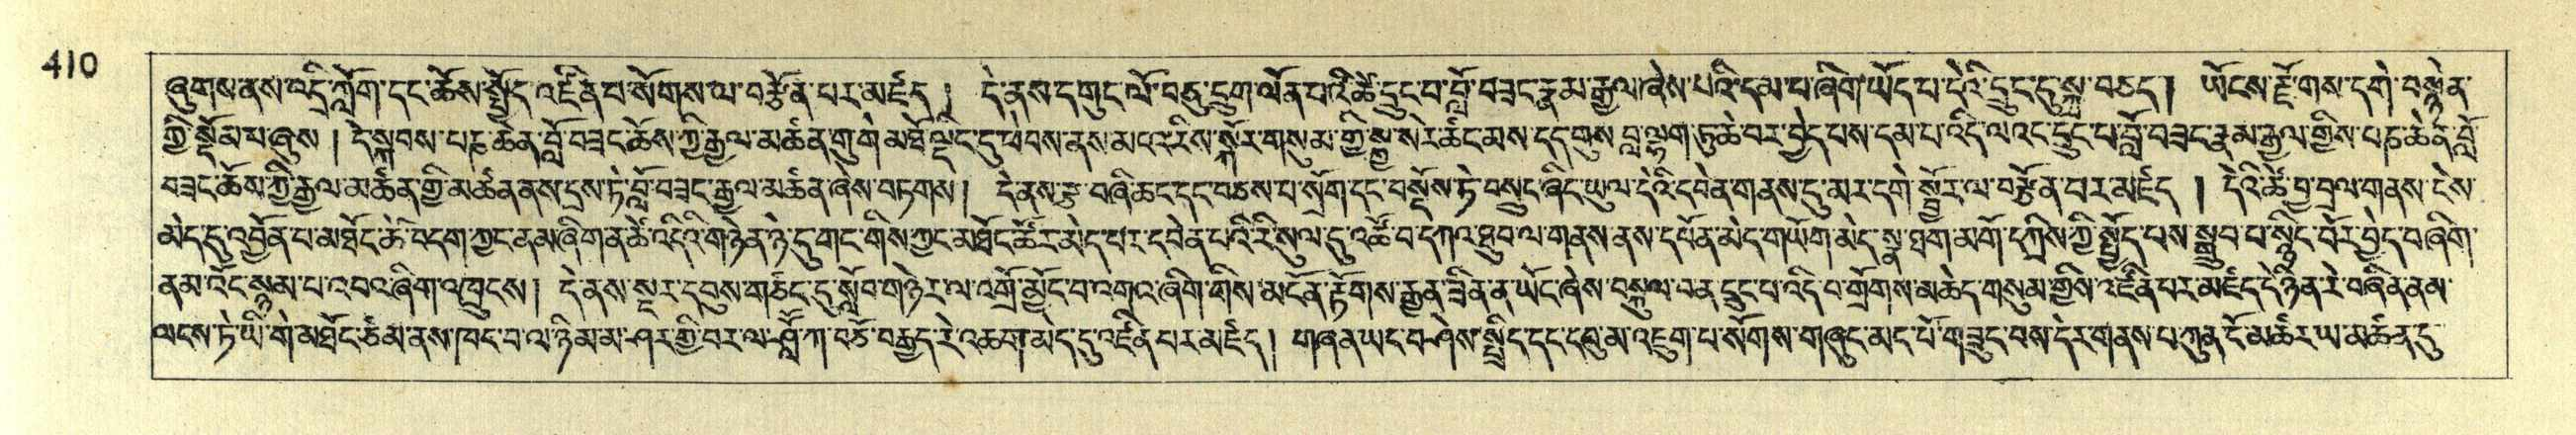ཞུགས་ནས་འདྲི་ཀློག་དང་ཆོས་སྤྱོད་འཛིན་པ་སོགས་ལ་བརྩོན་པར་མཛད། དེ་ནས་དགུང་ལོ་བཅུ་དྲུག་ལོན་པའི་ཚེ་དྲུང་བ་བློ་བཟང་རྣམ་རྒྱལ་ཞེས་པའི་དམ་པ་ཞིག་ཡོད་པ་དེའི་དྲུང་དུ་སྐྲ་བཅད། ཡོངས་རྫོགས་དགེ་བསྙེན་
ཀྱི་སྡོམ་པ་ཞུས། དེ་སྐབས་པཎ་ཆེན་བློ་བཟང་ཆོས་ཀྱི་རྒྱལ་མཚན་གུ་གེ་མཐོ་ལྡིང་དུ་ཕེབས་ནས་མངའ་རིས་སྐོར་གསུམ་གྱི་སྐྱ་སེར་ཚང་མས་དད་གུས་བླ་ལྷག་ཏུ་ཆེ་བར་བྱེད་པས་དམ་པ་འདི་ལའང་དྲུང་པ་བློ་བཟང་རྣམ་རྒྱལ་གྱིས་པཎ་ཆེན་བློ་
བཟང་ཆོས་ཀྱི་རྒྱལ་མཚན་གྱི་མཚན་ནས་དྲས་ཏེ་བློ་བཟང་རྒྱལ་མཚན་ཞེས་བཏགས། དེ་ནས་རྩ་བཞི་ཆང་དང་བཅས་པ་སྲོག་དང་བསྡོས་ཏེ་བསྲུང་ཞིང་ཡུལ་དེའི་དབེན་གནས་དུ་མར་དགེ་སྦྱོར་ལ་བརྩོན་པར་མཛད། དེའི་ཚེ་བྱ་བྲལ་གནས་ངེས་
མེད་དུ་འབྱོན་པ་མཐོང་ཚེ་བདག་ཀྱང་ནམ་ཞིག་ན་ཚེ་འདིའི་གཉེན་ཉེ་དུ་གང་གིས་ཀྱང་མཐོང་ཚོར་མེད་པར་དབེན་པའི་རི་སུལ་དུ་འཚོ་བ་དཀའ་ཐུབ་ལ་གནས་ནས་དཔོན་མེད་གཡོག་མེད་སྣ་ཐག་མགོ་དཀྲིས་ཀྱི་སྤྱོད་པས་སྒྲུབ་པ་སྙིང་བོར་བྱེད་བཞིག་
ནམ་འོང་སྙམ་པ་འབའ་ཞིག་འཁྲུངས། དེ་ནས་སྔར་དབུས་གཙང་དུ་སློབ་གཉེར་ལ་འགྲོ་མྱོང་བ་འགའ་ཞིག་གིས་མངོན་རྟོགས་རྒྱན་ཟིན་ན་ཡོང་ཞེས་བསྐུལ་བ་ན་དྲུང་པ་འདི་བ་གྲོགས་མཆེད་གསུམ་གྱིས་འཛིན་པར་མཛད་དེ་ཉིན་རེ་བཞིན་ནམ་
ལངས་ཏེ་ཡི་གེ་མཐོང་ཙམ་ནས་ཁང་བ་ལ་ཉིམ་མ་ཤར་གྱི་བར་ལ་ཤླཽ་ཀ་བཅོ་བརྒྱད་རེ་འཆག་མེད་དུ་འཛིན་པར་མཛད། གཞན་ཡང་བཤེས་སྤྲིད་དང་དབུ་མ་འཇུག་པ་སོགས་གཞུང་མང་པོ་གཟུང་བས་དེར་གནས་པ་ཀུན་ངོ་མཚར་ཡ་མཚན་དུ་